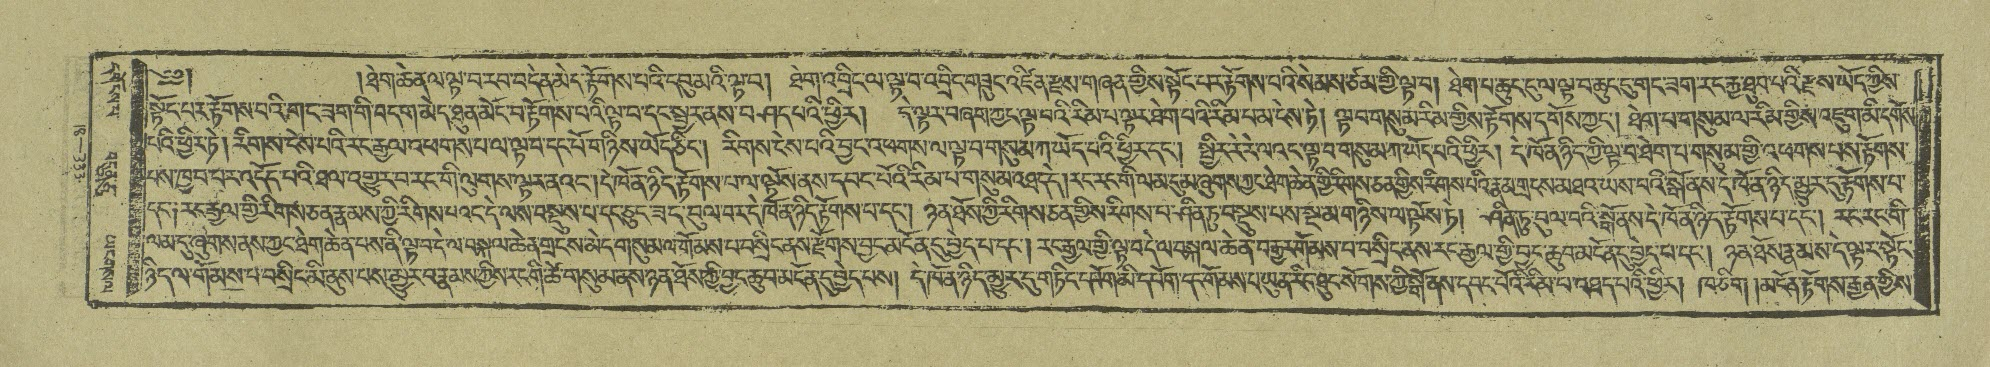༄༅། །ཐེག་ཆེན་ལ་ལྟ་བ་རབ་བདེན་མེད་རྟོགས་པའི་དབུ་མའི་ལྟ་བ། ཐེག་འབྲིང་ལ་ལྟ་བ་འབྲིང་གཟུང་འཛིན་རྫས་གཞན་གྱིས་སྟོང་པར་རྟོགས་པའི་སེམས་ཙམ་གྱི་ལྟ་བ། ཐེག་པ་ཆུང་ངུ་ལ་ལྟ་བ་ཆུང་དུ་གང་ཟག་རང་རྐྱ་ཐུབ་པའི་རྫས་ཡོད་ཀྱིས་
སྟོང་པར་རྟོགས་པའི་གང་ཟག་གི་བདག་མེད་ཐུན་མོང་བ་རྟོགས་པའི་ལྟ་བ་དང་སྦྱར་ནས་བཤད་པའི་ཕྱིར། དེ་ལྟར་བཞག་ཀྱང་ལྟ་བའི་རིམ་པ་ལྟར་ཐེག་པའི་རིམ་པ་མ་ངེས་ཏེ། ལྟ་བ་གསུམ་རིམ་གྱིས་རྟོགས་དགོས་ཀྱང་། ཐེག་པ་གསུམ་ལ་རིམ་གྱིས་འཇུག་མི་དགོས་
པའི་ཕྱིར་ཏེ། རིགས་ངེས་པའི་རང་རྒྱལ་འཕགས་པ་ལ་ལྟ་བ་དང་པོ་གཉིས་ཡོད་ཅིང་། རིགས་ངེས་པའི་བྱང་འཕགས་ལ་ལྟ་བ་གསུམ་ཀ་ཡོད་པའི་ཕྱིར་དང་། སྤྱིར་རེ་རེ་ལའང་ལྟ་བ་གསུམ་ཀ་ཡོད་པའི་ཕྱིར། དེ་ཁོ་ན་ཉིད་ཀྱི་ལྟ་བ་ཐེག་པ་གསུམ་གྱི་འཕགས་པས་རྟོགས་
པས་ཁྱབ་པར་འདོད་པའི་ཐལ་འགྱུར་པ་རང་གི་ལུགས་ལྟར་ནའང་། དེ་ཁོ་ན་ཉིད་རྟོགས་པ་ལ་ལྟོས་ནས་དབང་པོའི་རིམ་པ་གསུམ་འཐད་དེ། རང་རང་གི་ལམ་དུ་མ་ཞུགས་ཀྱང་ཐེག་ཆེན་གྱི་རིགས་ཅན་གྱིས་རིགས་པའི་རྣམ་གྲངས་མཐའ་ཡས་པའི་སྒོ་ནས་དེ་ཁོ་ན་ཉིད་མྱུར་དུ་རྟོགས་པ་
དང་། རང་རྒྱལ་གྱི་རིགས་ཅན་རྣམས་ཀྱི་རིགས་པའང་དེ་ལས་བསྡུས་པ་དང་ཅུང་ཟད་བུལ་བར་དེ་ཁོ་ན་ཉིད་རྟོགས་པ་དང་། ཉན་ཐོས་ཀྱི་རིགས་ཅན་གྱིས་རིགས་པ་ཤིན་ཏུ་བསྡུས་པ་སྔ་མ་གཉིས་ལ་ལྟོས་ཏེ། ཤིན་ཏུ་བུལ་བའི་སྒོ་ནས་དེ་ཁོ་ན་ཉིད་རྟོགས་པ་དང་། རང་རང་གི་
ལམ་དུ་ཞུགས་ནས་ཀྱང་ཐེག་ཆེན་པས་ནི་ལྟ་བ་དེ་ལ་བསྐལ་ཆེན་གྲངས་མེད་གསུམ་ལ་གོམས་པ་བསྲིང་ནས་རྫོགས་བྱང་མངོན་དུ་བྱེད་པ་དང་། རང་རྒྱལ་གྱི་ལྟ་བ་དེ་ལ་བསྐལ་ཆེན་བརྒྱར་གོམས་པ་བསྲིང་ནས་རང་རྒྱལ་གྱི་བྱང་ཆུབ་མངོན་དུ་བྱེད་པ་དང་། ཉན་ཐོས་རྣམས་དེ་ལྟར་སྟོང་
ཉིད་ལ་སྒོམས་པ་བསྲིང་མི་ནུས་པས་མྱུར་བ་རྣམས་ཀྱིས་རང་གི་ཚེ་གསུམ་ནས་ཉན་ཐོས་ཀྱི་བྱང་ཆུབ་མངོན་དུ་བྱེད་པས། དེ་ཁོ་ན་ཉིད་མྱུར་དུ་གཏིང་དཔོག་མི་དཔོག་དང་གོམས་པ་ཡུན་རིང་ཐུང་སོགས་ཀྱི་སྒོ་ནས་དབང་པོའི་རིམ་པ་འཐད་པའི་ཕྱིར། ཁ་ཅིག །མངོན་རྟོགས་རྒྱན་གྱིས་